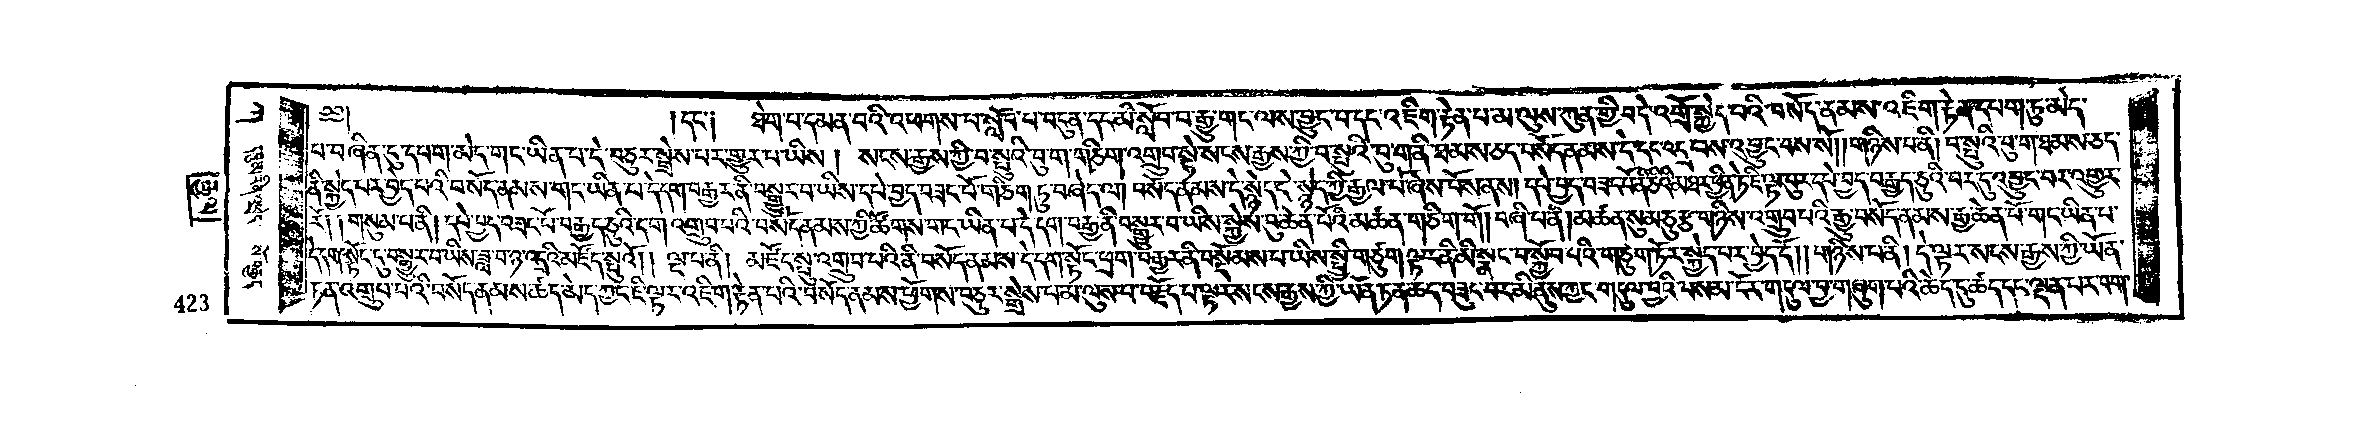༄༅། །དང་། ཐེག་པ་དམན་པའི་འཕགས་པ་སློབ་པ་བདུན་དང་མི་སློབ་པ་རྒྱུ་གང་ལས་བྱུང་བ་དང་འཇིག་རྟེན་པ་མ་ལུས་ཀུན་གྱི་བདེ་འགྲོ་སྐྱེད་པའི་བསོད་ནམས་འཇིག་རྟེན་དཔག་ཏུ་མེད་
པ་བཞིན་དུ་དཔག་མེད་གང་ཡིན་པ་དེ་བཅུར་སྒྲེས་པར་གྱུར་པ་ཡིས། སངས་རྒྱས་ཀྱི་བ་སྤུའི་བུ་ག་གཅིག་འགྲུབ་སྟེ་སངས་རྒྱས་ཀྱི་བ་སྤུའི་བུ་ག་ནི་ཐམས་ཅད་བསོད་ནམས་དེ་དང་འདྲ་བས་འབྱུང་བས་སོ། །གཉིས་པ་ནི། བ་སྤུའི་བུ་ག་ཐམས་ཅད་
ནི་སྐྱེད་པར་བྱེད་པའི་བསོད་ནམས་གང་ཡིན་པ་དེ་དག་བརྒྱར་ནི་བསྒྱུར་བ་ཡིས་དཔེ་བྱད་བཟང་པོ་གཅིག་ཏུ་བཞེད་ལ། བསོད་ནམས་དེ་སྙེད་དེ་སྙེད་ཀྱི་རྒྱལ་པོ་ཞེས་པོས་ནས། དཔེ་བྱད་བཟང་པོ་ནི་ཅིའི་མཐར་ཕྱིན་ཏེ་ཇི་ལྟ་བུར་དཔེ་བྱད་བརྒྱད་ཅུའི་བར་དུ་འབྱུང་བར་འགྱུར་
རོ། །གསུམ་པ་ནི། དཔེ་བྱད་བཟང་པོ་བརྒྱད་ཅུའི་དག་འགྲུབ་པའི་བསོད་ནམས་ཀྱི་ཚོགས་གང་ཡིན་པ་དེ་དག་བརྒྱ་ནི་བསྒྱུར་བ་ཡིས་སྐྱེས་བུ་ཆེན་པོའི་མཚན་གཅིག་གོ །བཞི་པ་ནི། མཚན་སུམ་ཅུ་རྩ་གཉིས་འགྲུབ་པའི་རྒྱུ་བསོད་ནམས་རྒྱ་ཆེན་པོ་གང་ཡིན་པ་
དེ་དག་སྟོང་དུ་བསྒྱུར་བ་ཡིས་ཟླ་བ་ཉ་འདྲའི་མཛོད་སྤུའོ། །ལྔ་པ་ནི། མཛོད་སྤུ་འགྲུབ་པའི་ནི་བསོད་ནམས་དེ་དག་སྟོང་ཕྲག་བརྒྱར་ནི་བསྡོམས་པ་ཡིས་སྤྱི་གཙུག་ལྟར་ནི་མི་སྣང་བ་སྐྱོབ་པའི་གཙུག་ཏོར་སྐྱེད་པར་བྱེད་དོ། །གཉིས་པ་ནི། དེ་ལྟར་སངས་རྒྱས་ཀྱི་ཡོན་
ཏན་འགྲུབ་པའི་བསོད་ནམས་ཚད་མེད་ཀྱང་ཇི་ལྟར་འཇིག་རྟེན་པའི་བསོད་ནམས་ཕྱོགས་བཅུར་སྒྲེས་པ་མ་ལུས་པ་བརྗོད་པ་ལྟར་སངས་རྒྱས་ཀྱི་ཡོན་ཏན་ཆད་བཟུང་བར་མི་ནུས་ཀྱང་གདུལ་བྱའི་བསམ་ངོར་གདུལ་བྱ་གཞུག་པའི་ཆེད་དུ་ཚད་དང་ལྡན་པར་བག་